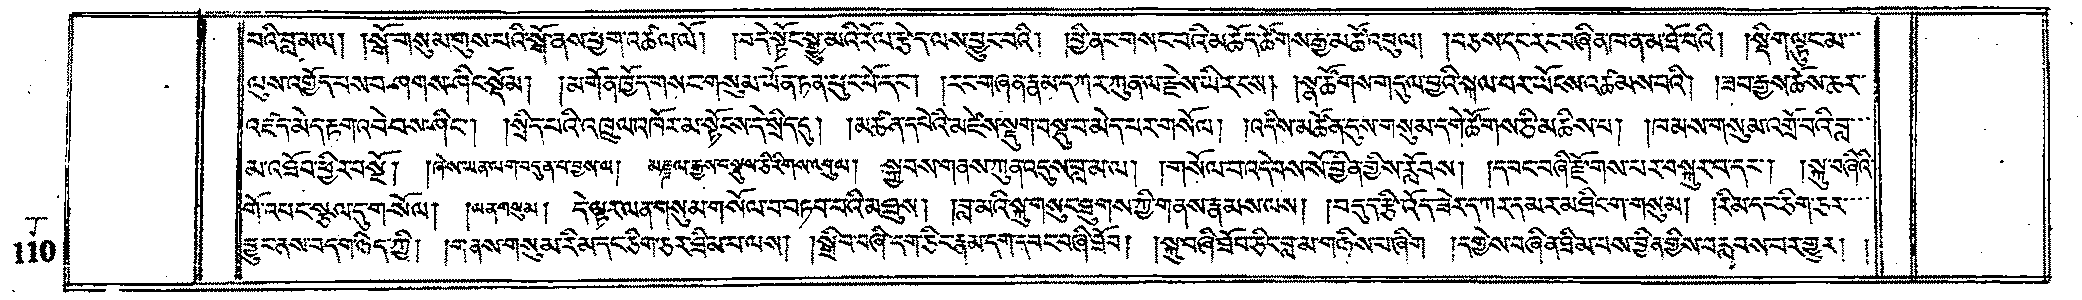བའི་བླ་མ་ལ། །སྒོ་གསུམ་གུས་པའི་སྒོ་ནས་ཕྱག་འཚལ་ལོ། །བདེ་སྟོང་སྒྱུ་མའི་རིལ་རྩེད་ལས་བྱུང་བའི། །ཕྱི་ནང་གསང་བའི་མཆོད་ཚོགས་རྒྱ་མཚོ་འབུལ། །བཅས་དང་རང་བཞིན་ཁ་ན་མཐོ་བའི། །སྡིག་ལྟུང་མ་་་
ལུས་འགྱོད་པས་བཤགས་ཤིག་སྡོམ། །མགོན་ཁྱོད་གསངས་གསུམ་ཡོན་ཏན་ཕུང་པོ་དང་། །རང་གཞན་རྣམ་དཀར་ཀུན་ལ་རྗེས་ཡི་རངས། །སྣ་ཚོགས་གདུལ་བྱའི་སྐལ་བར་ཡོང་འཚམས་པའི། །ཟབ་རྒྱས་ཆོས་ཆར་
འཛད་མེད་རྟག་འབེབས་ཤིང་། །སྲིད་པའི་འཁྲུལ་འཁོར་མ་སྟོངས་དེ་སྲིད་དུ། །མཚན་དཔེའི་མཛེས་སྡུག་བསྡུ་བ་མེད་པར་གསོ། །འདིས་མཚོན་དུས་གསུམ་དགེ་ཚོགས་ཅི་མཆིས་པ། །ཁམས་གསུམ་འགྲོ་བའི་བླ་་་
མ་འཐོབ་ཕྱིར་བསྔོ། ། ཞེས་ཡན་ལག་བདུན་པ་བྱས་ལ། མཎྚལ་རྒྱས་བསྡུས་ཅི་རིགས་འབུལ། སྐྱབས་གནས་ཀུན་འདུས་བླ་མ་ལ། །གསོལ་བ་འདེབས་སོ་བྱིན་གྱིས་རློབས། །དབང་བཞི་རྫོགས་པར་བསྐུར་བ་དང་། །སྐུ་བཞིའི་
གོ་འཕང་སྩལ་དུ་གསོལ། ། ལན་གསུམ། དེ་ལྟར་ལན་གསུམ་གསོལ་བ་བཏབ་པའི་མཐུས། །བླ་མའི་སྐུ་གསུང་ཐུགས་ཀྱི་ངས་རྣམས་ལས། །བདུད་རྩི་འོད་ཟེར་དཀར་དམར་མཐིང་ག་གསུམ། །རིམ་དང་ཅིག་ཅར་་་
བྱུང་ནས་བདག་ཉིད་ཀྱི། །གནས་གསུམ་རིམ་དང་ཅིག་ཅར་ཐིམ་པ་ལས། །སྒྲིབ་བཞིན་དག་ཅིང་རྣམ་དག་དབང་བཞི་ཐོག། །སྐུ་བཞི་ཐོབ་ཅིང་བླ་མ་གཉིས་པ་ཞིག །དགྱེས་བཞིན་ཐིམ་པར་བྱིན་གྱིས་བརླབས་པར་གྱུར། །